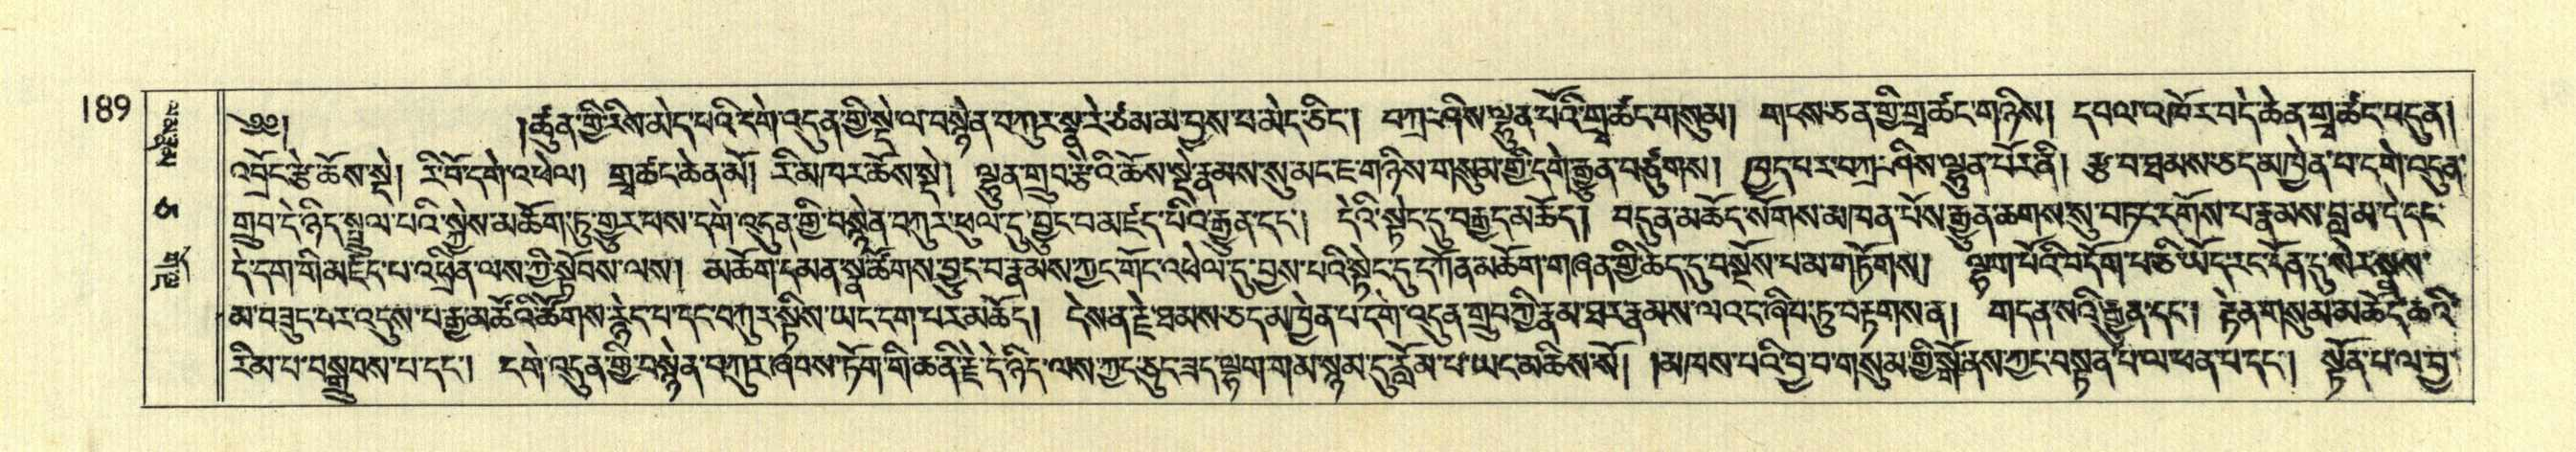༄༅། །ཚུན་གྱི་རིས་མེད་པའི་དགེ་འདུན་གྱི་སྡེ་ལ་བསྙེན་བཀུར་སྣ་རེ་ཙམ་མ་བྱས་པ་མེད་ཅིང་། བཀྲ་ཤིས་ལྷུན་པོའི་གྲྭ་ཚང་གསུམ། གངས་ཅན་གྱི་གྲྭ་ཚང་གཉིས། དཔལ་འཁོར་བདེ་ཆེན་གྲྭ་ཚང་བདུན།
འབྲོང་རྩེ་ཆོས་སྡེ། རི་བོ་དགེ་འཕེལ། གྲྭ་ཚང་ཆེན་མོ། རི་མཁར་ཆོས་སྡེ། ལྷུན་གྲུབ་རྩེའི་ཆོས་སྡེ་རྣམས་སུ་མང་ཇ་གཉིས་གསུམ་གྱི་དགེ་རྒྱུན་བཙུགས། ཁྱད་པར་བཀྲ་ཤིས་ལྷུན་པོར་ནི། རྩ་བ་ཐམས་ཅད་མཁྱེན་པ་དགེ་འདུན་
གྲུབ་དེ་ཉིད་སྤྲུལ་པའི་སྐྱེས་མཆོག་ཏུ་གྱུར་པས་དགེ་འདུན་གྱི་བསྙེན་བཀུར་ཕུལ་དུ་བྱུང་བ་མཛད་པའི་རྒྱུན་དང་། དེའི་སྟེང་དུ་བརྒྱད་མཆོད། བདུན་མཆོད་སོགས་མཁན་པོས་རྒྱུན་ཆགས་སུ་བཏང་དགོས་པ་རྣམས་བླ་མ་དེ་དང་
དེ་དག་གི་མཛད་པ་འཕྲིན་ལས་ཀྱི་སྟོབས་ལས། མཆོག་དམན་སྣ་ཚོགས་བྱུང་བ་རྣམས་ཀྱང་གོང་འཕེལ་དུ་བྱས་པའི་སྟེང་དུ་དཀོན་མཆོག་གཞན་གྱི་ཆེད་དུ་བསྔོས་པ་མ་གཏོགས། ལྷག་པོའི་བདོག་པ་ཅི་ཡོད་རང་དོན་དུ་སེར་སྣས་
མ་བཟུང་བར་འདུས་པ་རྒྱ་མཚོའི་ཚོགས་རྙེད་པ་དང་བཀུར་སྟིས་ཡང་དག་པར་མཆོད། དེས་ན་རྗེ་ཐམས་ཅད་མཁྱེན་པ་དགེ་འདུན་གྲུབ་ཀྱི་རྣམ་ཐར་རྣམས་ལའང་ཞིབ་ཏུ་བརྟགས་ན། གདན་སའི་རྒྱུན་དང་། རྟེན་གསུམ་མཆོད་ཆའི་
རིམ་པ་བསྒྲུབས་པ་དང་། དགེ་འདུན་གྱི་བསྙེན་བཀུར་ཞབས་ཏོག་གི་ཆ་ནི་རྗེ་དེ་ཉིད་ལས་ཀྱང་ཅུང་ཟད་ལྷག་གམ་སྙམ་དུ་རློམ་པ་ཡང་མཆིས་སོ། །མཁས་པའི་བྱ་བ་གསུམ་གྱི་སྒོ་ནས་ཀྱང་བསྟན་པ་ལ་ཕན་པ་དང་། སྟོན་པ་ལ་བྱ་